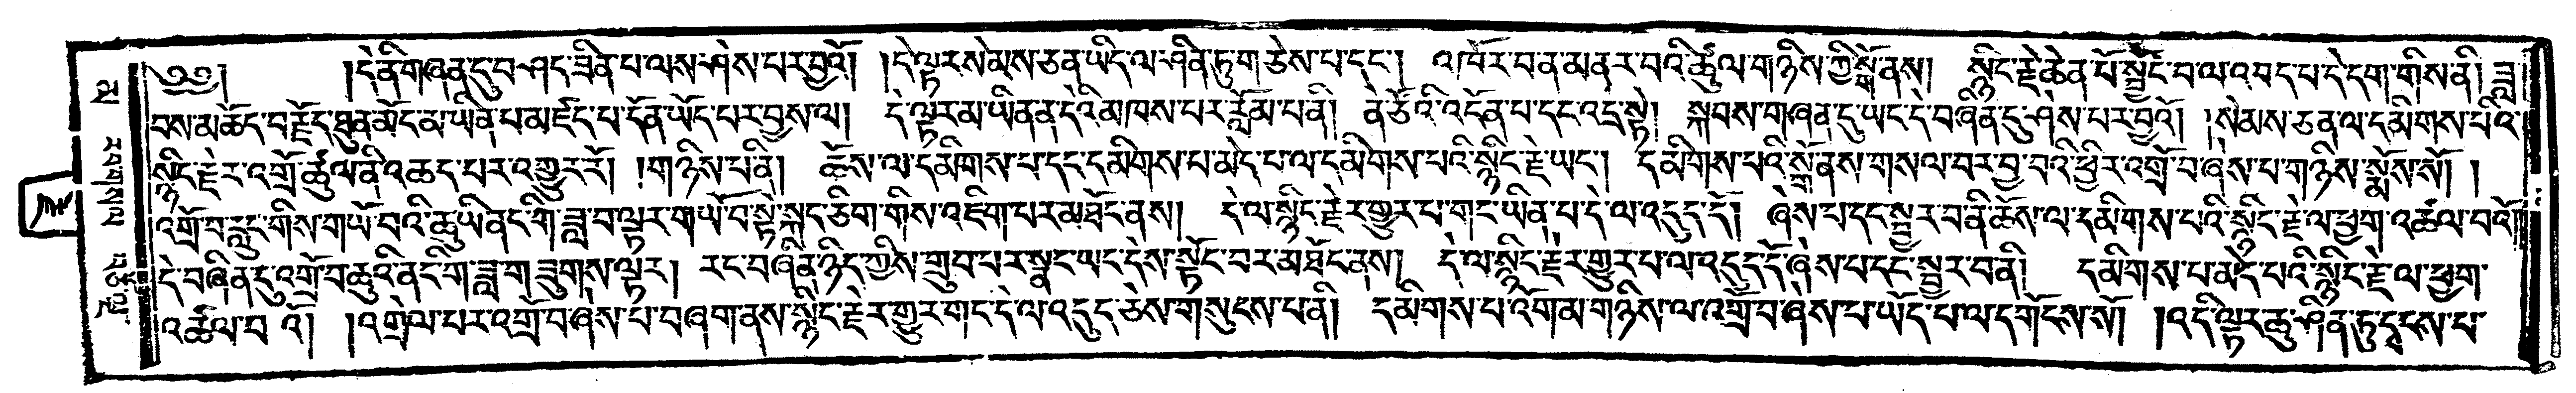༄༅། །དེ་ནི་གཞན་དུ་བཤད་ཟིན་པ་ལས་ཤེས་པར་བྱའོ། །དེ་ལྟར་སེམས་ཅན་ཡིད་ལ་ཤིན་ཏུ་གཅེས་པ་དང་། འཁོར་བ་ན་མནར་བའི་ཚུལ་གཉིས་ཀྱི་སྒོ་ནས། སྙིང་རྗེ་ཆེན་པོ་སྦྱོང་བ་ལ་འབད་པ་དེ་དག་གིས་ནི། ཟླ་
བས་མཆོད་བརྗོད་ཐུན་མོང་མ་ཡིན་པ་མཛད་པ་དོན་ཡོད་པར་བྱས་ལ། དེ་ལྟར་མ་ཡིན་ན་དེའི་མཁས་པར་རློམ་པ་ནི། ནེ་ཙོའི་འདོན་པ་དང་འདྲ་སྟེ། སྐབས་གཞན་དུ་ཡང་དེ་བཞིན་དུ་ཤེས་པར་བྱའོ། །སེམས་ཅན་ལ་དམིགས་པའི་
སྙིང་རྗེར་འགྲོ་ཚུལ་ནི་འཆད་པར་འགྱུར་རོ། །གཉིས་པ་ནི། ཆོས་ལ་དམིགས་པ་དང་དམིགས་པ་མེད་པ་ལ་དམིགས་པའི་སྙིང་རྗེ་ཡང་། དམིགས་པའི་སྒོ་ནས་གསལ་བར་བྱ་བའི་ཕྱིར་འགྲོ་བ་ཞེས་པ་གཉིས་སྨོས་སོ།།
འགྲོ་བ་རླུང་གིས་གཡོ་བའི་ཆུ་ཡི་ནང་གི་ཟླ་བ་ལྟར་གཡོ་བ་སྟེ་སྐད་ཅིག་གིས་འཇིག་པར་མཐོང་ནས། དེ་ལ་སྙིང་རྗེར་གྱུར་པ་གང་ཡིན་པ་དེ་ལ་འདུད་དོ། །ཞེས་པ་དང་སྦྱར་བ་ནི་ཆོས་ལ་དམིགས་པའི་སྙིང་རྗེ་ལ་ཕྱག་འཚལ་བའོ།
དེ་བཞིན་དུ་འགྲོ་བ་ཆུའི་ནང་གི་ཟླ་གཟུགས་ལྟར། རང་བཞིན་ཉིད་ཀྱིས་གྲུབ་པར་སྣང་ཡང་དེས་སྟོང་པར་མཐོང་ནས། དེ་ལ་སྙིང་རྗེར་གྱུར་པ་ལ་འདུད་དོ་ཞེས་པ་དང་སྦྱར་བ་ནི། །དམིགས་པ་མེད་པའི་སྙིང་རྗེ་ལ་ཕྱག་
འཚལ་བའོ། །འགྲེལ་པར་འགྲོ་བ་ཞེས་པ་བཞག་ནས་སྙིང་རྗེར་གྱུར་གང་དེ་ལ་འདུད་ཅེས་གསུངས་པ་ནི། དམིགས་པ་འོག་མ་གཉིས་ལ་འགྲོ་བ་ཞེས་པ་ཡོད་པ་ལ་དགོངས་སོ། །འདི་ལྟར་ཆུ་ཤིན་ཏུ་དྭངས་པ་